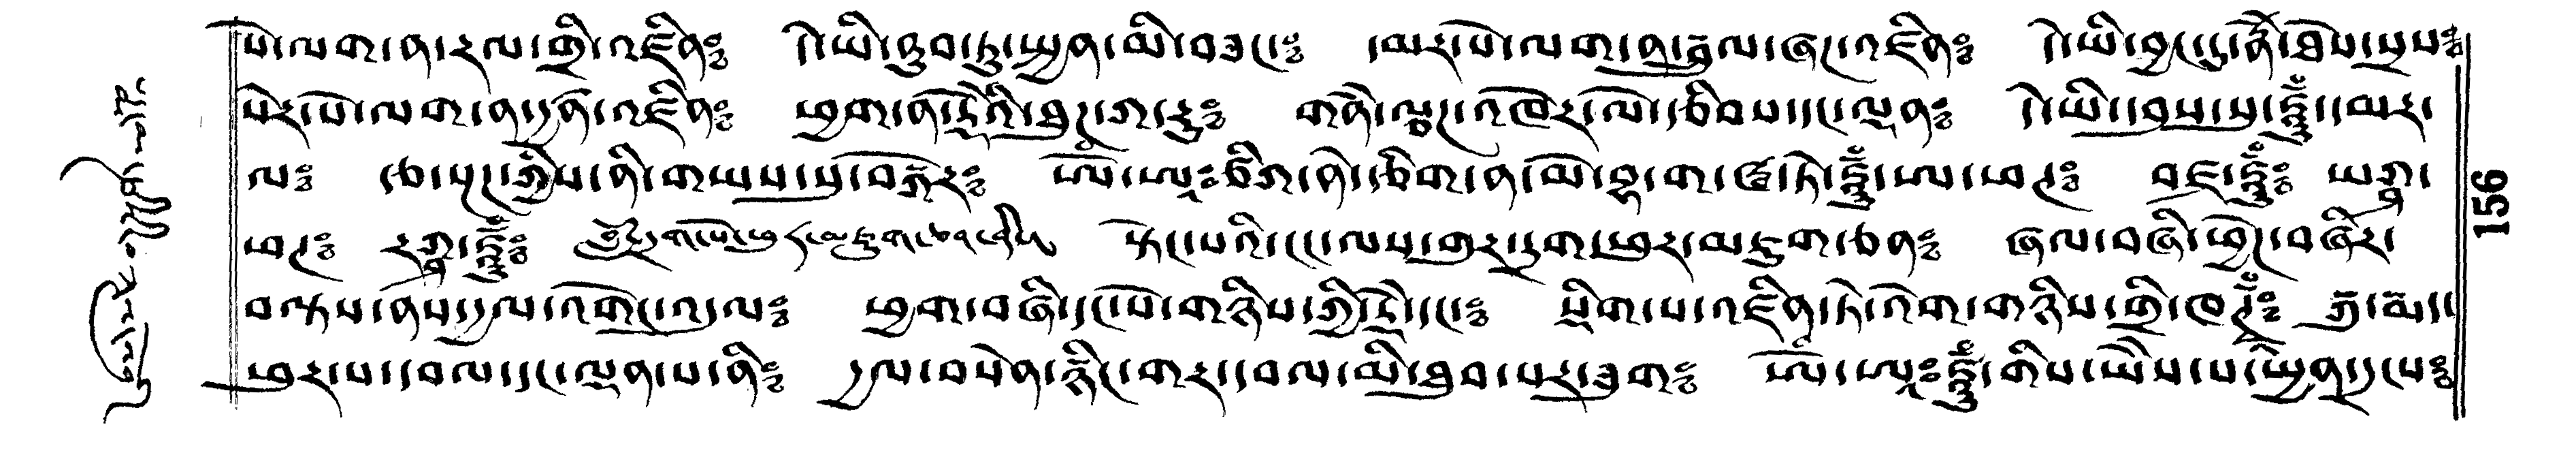པོ་ལག་ན་རལ་གྲི་འཛིན༔ དེ་ཡི་ནུབ་ཏུ་སྤྱན་མི་བཟང༔ དམར་པོ་ལག་ན་སྦྲུལ་ཞགས་འཛིན༔ དེ་ཡི་བྱང་དུ་རྣམ་ཐོས་སྲས༔ 
སེར་པོ་ལག་ན་རྒྱལ་མཚན་འཛིན༔ ཕྱག་ན་རྡོ་རྗེའི་ཐུགས་ཀ་རུ༔ གནམ་ལྕགས་འཁོར་ལོ་རྩིབས་དང་ལྡན༔ དེ་ཡི་དབུས་སུ་ཧཱུྃ་དམར་
ལ༔ རྩ་སྔགས་ཀྱི་ནི་གཡས་སུ་བསྐོར༔ ཨོཾ་ཨ་རྩིཀ་ནེ་རྩིག་ན་མོ་བྷ་ག་ཝ་ཏེ་ཧཱུྃ་ཨ་ཕཊ༔ བཛྲ་ཧཱུྃ༔ ཡཀྴ་
ཕཊ༔ རཀྴ་ཧཱུྃ༔ བླ་མ་དྲག་པོ་ཕུར་མཇུག་ཅན་ནི། སྟོང་པའི་ངང་ལས་གུར་དྲག་ཕུར་མཇུག་ཅན༔ ཞལ་བཞི་ཕྱོགས་བཞིར་
བལྟས་ནས་རྒྱལ་འགོང་འདུལ༔ ཕྱག་བཞི་དང་པོ་གཉིས་ཀྱི་རྡོ་རྗེ་དང༔ སྡིག་པ་འཛིན་ཏེ་འོག་གཉིས་གྲི་ཁ་ཊྭཱྃ༔ སྐུ་སྨད་
ཕུར་པ་དབལ་དང་ལྡན་པ་ནི༔ རྒྱལ་བསེན་སྙིང་གར་དབལ་མི་ཐུབ་པར་ཟུག༔ ཨོཾ་ཨཱཿཧཱུྃ་གིས་ཡེ་ཤེས་པ་སྤྱན་དྲངས༔